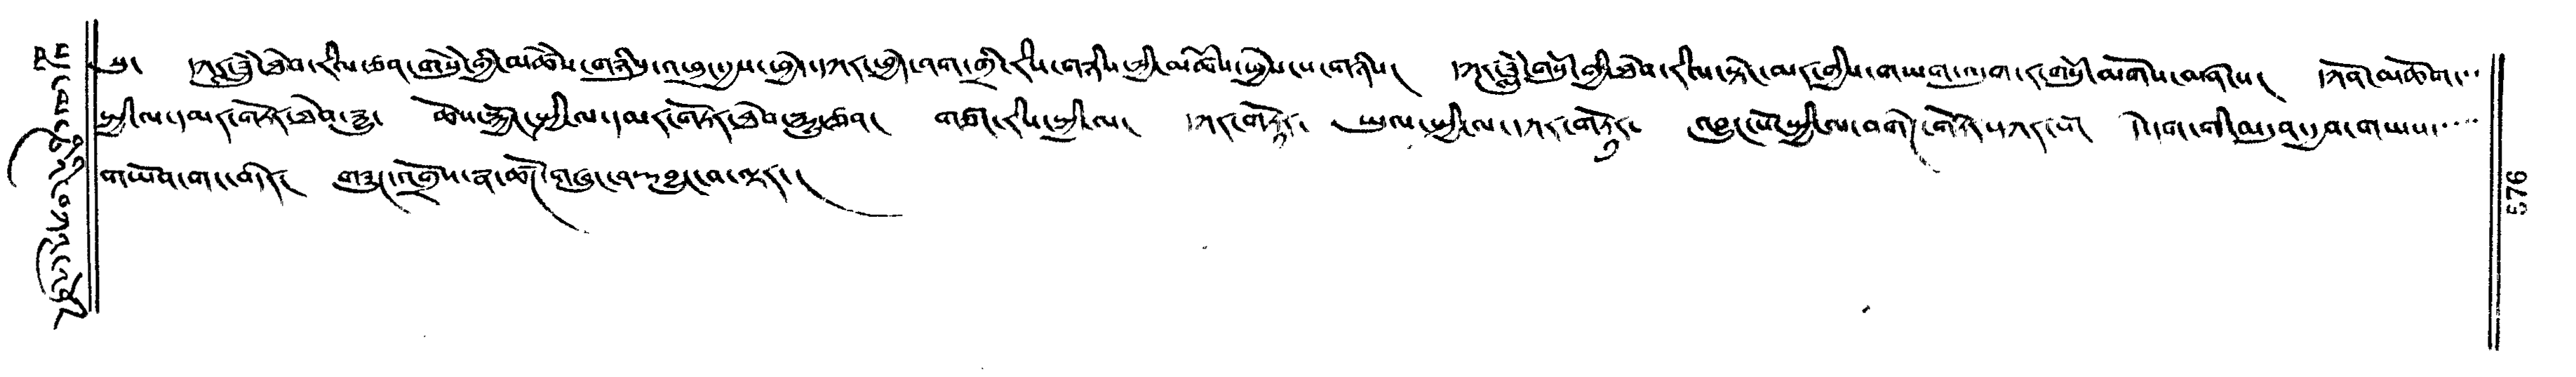སུ། དཀར་ཟླུམ་ཐེབ་རིལ་ཅན་གསུམ་གྱི་མཚམས་གཉིས་སུ་འཕྲང་རྒྱས་ཕྱེད་དཀར་ཕྱེད་ནག་གྲི་རིས་གཉིས་ཀྱི་མཚམས་ཕྱེས་པ་གཉིས། དཀར་ཟླུམ་གསུམ་གྱི་མཐེབ་རིལ་སྟེང་མར་གྱི་གཡག་ལུག་ར་གསུམ་གྱི་མགོས་མཚན་པ། དཀོན་མཆོག་
སྤྱི་ལ་དམར་གཏོར་ཐེབ་སྐྱུ། ཆོས་སྐྱོང་སྤྱི་ལ་དམར་གཏོར་ཐེབ་སྐྱུ་ཅན། གཙང་རིས་སྤྱི་ལ། དཀར་གཏོར་གཅིག ཡུལ་སྤྱི་ལ་དཀར་གཏོར་གཅིག འབྱུང་པོ་སྤྱི་ལ་བགེགས་གཏོར་དཀར་པོ། དེ་དག་གི་མདུན་རྒྱབ་གཡས་
གཡོན་གང་བདེར། གཟུགས་འགྲོས་སྣ་ཚོགས་གཞུང་ནས་བྱུང་བ་ལྟར།